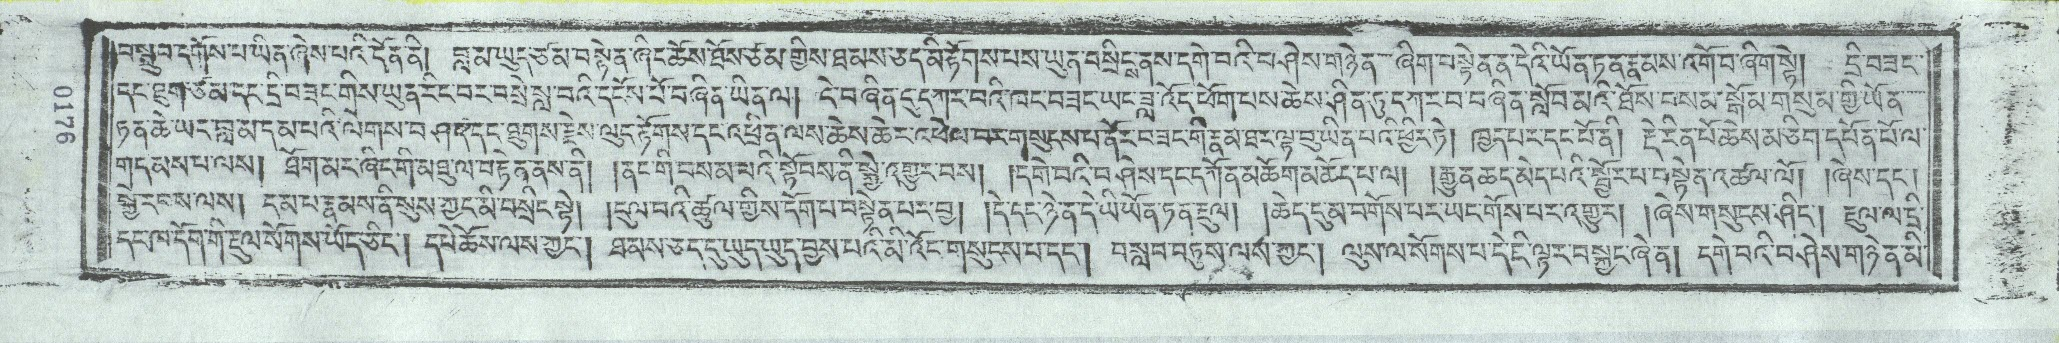བསྒྲུབ་དགོས་པ་ཡིན་ཞེས་པའི་དོན་ནི། བླ་མ་ཡུད་ཙམ་བསྟེན་ཞིང་ཆོས་ཐོས་ཙམ་གྱིས་ཐམས་ཅད་མི་རྟོགས་པས་ཡུན་བསྲིངས་ནས་དགེ་བའི་བཤེས་གཉེན་ཞིག་བསྟེན་ན་དེའི་ཡོན་ཏན་རྣམས་འགོ་བ་ཞིག་སྟེ། དྲི་བཟང་
དང་ཐུག་ཙམ་དང་དྲི་བཟང་གིས་ཡུན་རིང་བར་བསྲེ་སླ་བའི་དངོས་པོ་བཞིན་ཡིན་ལ། དེ་བཞིན་དུ་དཀར་བའི་ཁང་བཟང་ཡང་ཟླ་འོད་ཕོག་པས་ཆེས་ཤིན་ཏུ་དཀར་བ་བཞིན་སློབ་མའི་ཐོས་བསམ་སྒོམ་གསུམ་གྱི་ཡོན་
ཏན་ཆེ་ཡང་བླ་མ་དམ་པའི་ལེགས་བཤད་དང་ཐུགས་རྗེས་ལུང་རྟོགས་དང་འཕྲིན་ལས་ཆེས་ཆེར་འཕེལ་བར་གསུངས་པ་ནོར་བཟང་གི་རྣམ་ཐར་ལྟ་བུ་ཡིན་པའི་ཕྱིར་ཏེ། ཁྱད་པར་དང་པོ་ནི། རྗེ་རིན་པོ་ཆེས་མ་ཅིག་དཔོན་པོ་ལ་
གདམས་པ་ལས། ཐོག་མར་ཞིང་གི་མཐུ་ལ་བརྟེན་ནས་ནི། །ནང་གི་བསམ་པའི་སྟོབས་ནི་སྐྱེ་འགྱུར་བས། །དགེ་བའི་བཤེས་དང་དཀོན་མཆོག་མཆོད་པ་ལ། །རྒྱུན་ཆད་མེད་པའི་སྦྱོར་པ་བསྟེན་འཚལ་ལོ། །ཞེས་དང་།
སྐྱེ་རབས་ལས། དམ་པ་རྣམས་ནི་སུས་ཀྱང་མི་བསྲིང་སྟེ། །དུལ་བའི་ཚུལ་གྱིས་དོག་པ་བསྟེན་པར་བྱ། །དེ་དང་ཉེན་དེ་ཡི་ཡོན་ཏན་རྡུལ། །ཆེད་དུ་མ་བགོས་པར་ཡང་གོས་པར་འགྱུར། །ཞེས་གསུངས་ཤིང་། རྡུལ་ལ་དྲི་
དང་ཁ་དོག་གི་རྡུལ་སོགས་ཡོད་ཅིང་། དཔེ་ཆོས་ལས་ཀྱང་། ཐམས་ཅད་དུ་ཡུད་ཡུད་བྱས་པའི་མི་འོང་གསུངས་པ་དང་། བསླབ་བཏུས་ལས་ཀྱང་། ལུས་ལ་སོགས་པ་དེ་ཇི་ལྟར་བསྐྱང་ཞེ་ན། དགེ་བའི་བཤེས་གཉེན་མི་